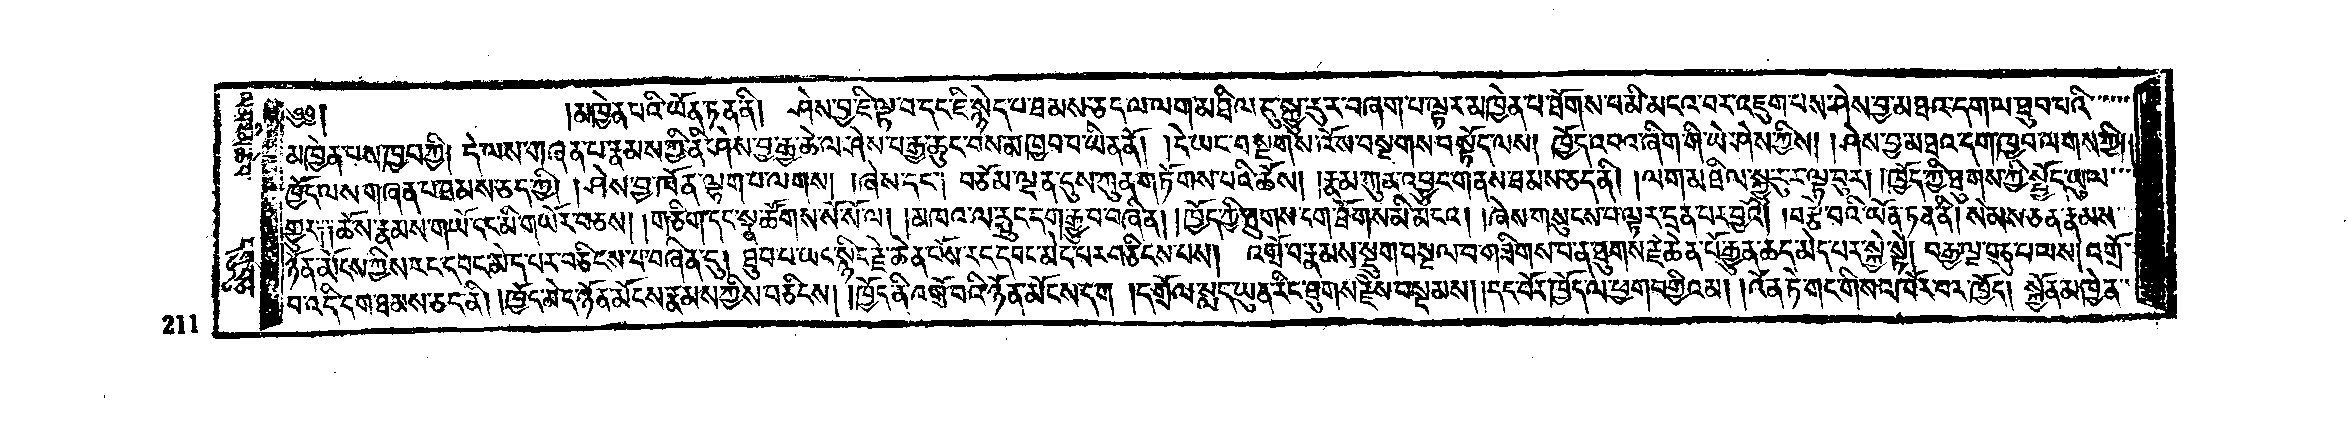༄༅། །མཁྱེན་པའི་ཡོན་ཏན་ནི། ཤེས་བྱ་ཇི་ལྟ་བ་དང་ཇི་སྙེད་པ་ཐམས་ཅད་ལ་ལག་མཐིལ་དུ་སྐྱུ་རུ་ར་བཞགས་པ་ལྟར་མཁྱེན་པ་ཐོགས་པ་མི་མངའ་བར་འཇུག་པས་ཤེས་བྱ་མཐའ་དག་ལ་ཐུབ་པའི་
མཁྱེན་པས་ཁྱབ་ཀྱི། དེ་ལས་གཞན་པ་རྣམས་ཀྱི་ནི་ཤེས་བྱ་རྒྱ་ཆེ་ལ་ཤེས་པ་རྒྱ་ཆུང་བས་མ་ཁྱབ་པ་ཡིན་ནོ། །དེ་ཡང་བསྔགས་འོས་བསྔགས་བསྟོད་ལས། ཁྱོད་འབའ་ཞིག་གི་ཡེ་ཤེས་ཀྱིས། །ཤེས་བྱ་མཐའ་དག་ཁྱབ་ལགས་ཀྱི། །
ཁྱོད་ལས་གཞན་པ་ཐམས་ཅད་ཀྱི། །ཤེས་བྱ་ཁོ་ན་ལྷག་པ་ལགས། །ཞེས་དང་། བཅོམ་ལྡན་དུས་ཀུན་གཏོགས་པའི་ཆོས། །རྣམ་ཀུན་འབྱུང་གནས་ཐམས་ཅད་ནི། །ལག་མཐིལ་སྐྱུ་རུ་ར་ལྟ་བུར། །ཁྱོད་ཀྱི་ཐུགས་ཀྱི་སྤྱོད་ཡུལ་
གྱུར༑ ༑ཆོས་རྣམས་གཡོ་དང་མི་གཡོར་བཅས། །གཅིག་དང་སྣ་ཚོགས་སོ་སོ་ལ། །མཁའ་ལ་རླུང་དག་རྒྱུ་བ་བཞིན། །ཁྱོད་ཀྱི་ཐུགས་དག་ཐོགས་མི་མངའ། །ཞེས་གསུངས་པ་ལྟར་དྲན་པར་བྱའོ། །བརྩེ་བའི་ཡོན་ཏན་ནི། སེམས་ཅན་རྣམས་
ཉོན་མོངས་ཀྱིས་རང་དབང་མེད་པར་བཅིངས་པ་བཞིན་དུ། ཐུབ་པ་ཡང་སྙིང་རྗེ་ཆེན་པོས་རང་དབང་མེད་པར་བཅིངས་པས། འགྲོ་བ་རྣམས་སྡུག་བསྔལ་བ་གཟིགས་པ་ན་ཐུགས་རྗེ་ཆེན་པོ་རྒྱུན་ཆད་མེད་པར་སྐྱེ་སྟེ། བརྒྱ་ལྔ་བཅུ་པ་ལས། འགྲོ་
བ་འདི་དག་ཐམས་ཅད་ནི། །ཁྱད་མེད་ཉོན་མོངས་རྣམས་ཀྱིས་བཅིངས། །ཁྱོད་ནི་འགྲོ་བའི་ཉོན་མོངས་དག །དགྲོལ་སླད་ཡུན་རིང་ཐུགས་རྗེས་བསྡམས། །དང་པོར་ཁྱོད་ལ་ཕྱག་བགྱིའམ། །འོན་ཏེ་གང་གིས་འཁོར་བར་ཁྱོད། །སྐྱོན་མཁྱེན་